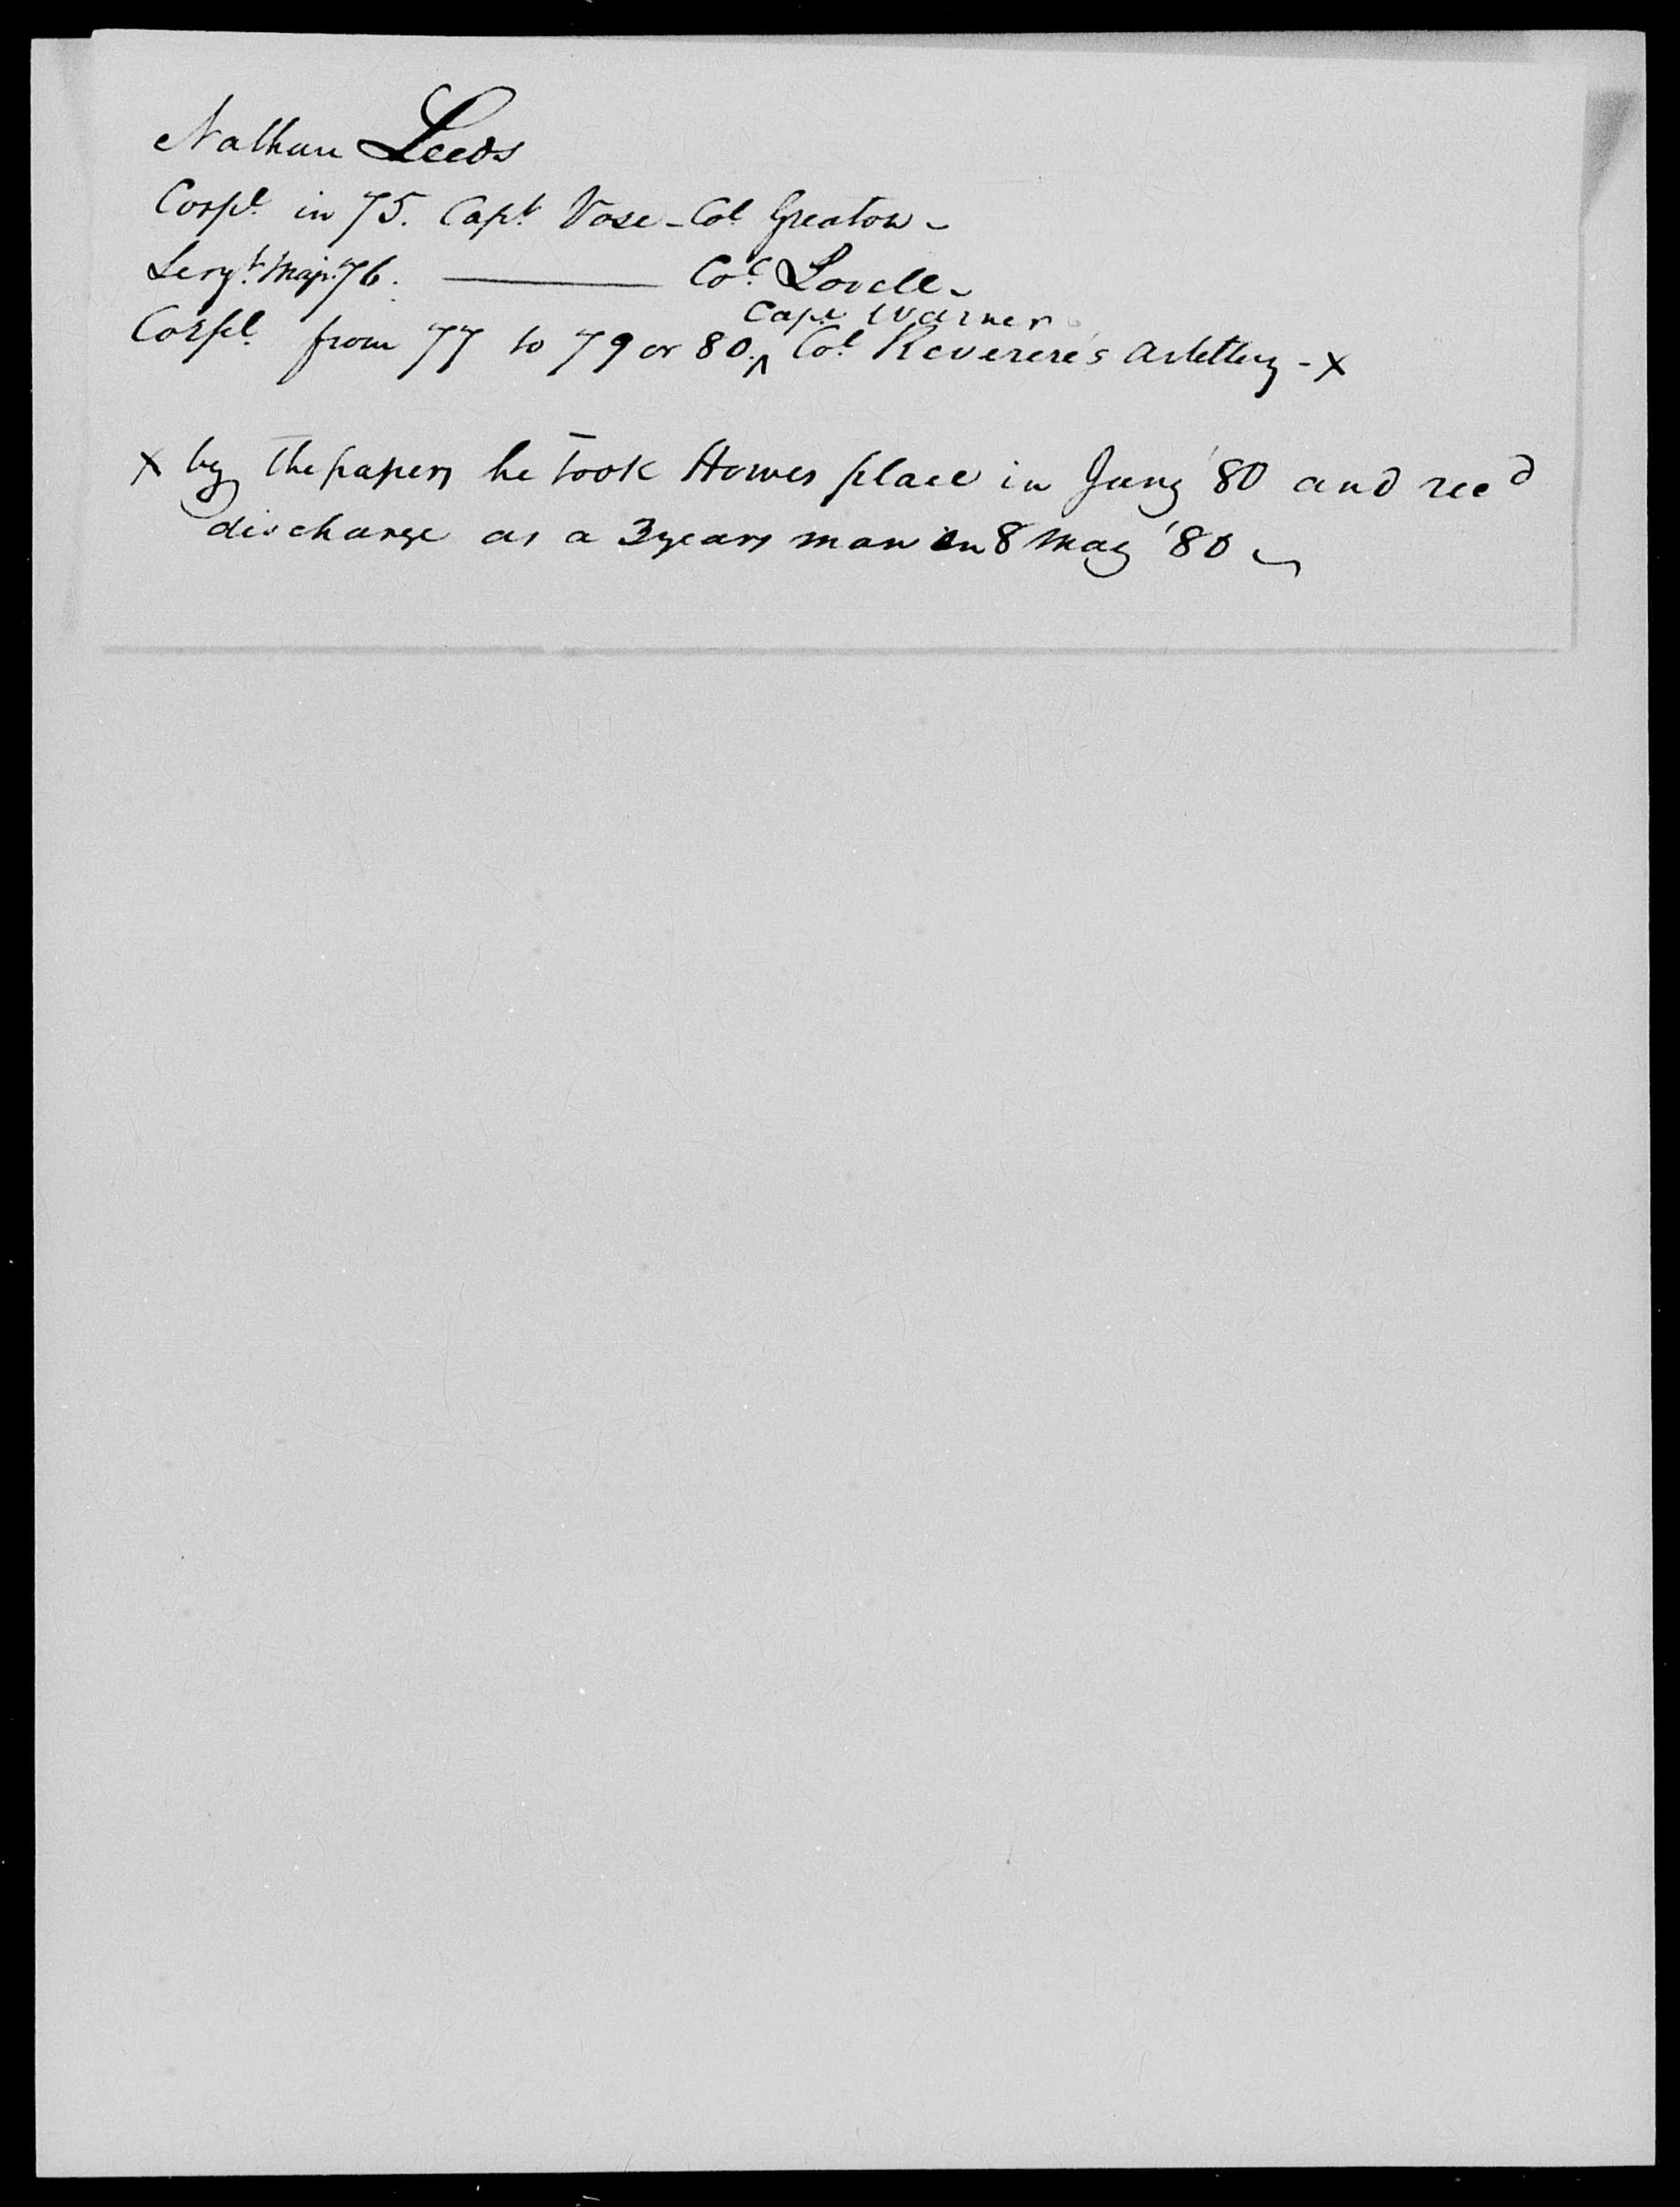Nathan Leeds
Corpl in 75 Capt Vose Col Greaton
Sergt Maj 76  Co. Lovell
Corpl from 77 to 79 or 80 ^Capt Warner Col Revere's Artillery
by the papers he took Howes place in June '80 and recd discharge as a years man on 8 May '80-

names: [BLANK] Lovell; [BLANK] Revere; [BLANK] Vose; Nathan Leeds; [BLANK] Warner; [BLANK] Greaton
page: 25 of 33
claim: widow's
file: W. 21,567, for Nathan Leeds, Massachusetts